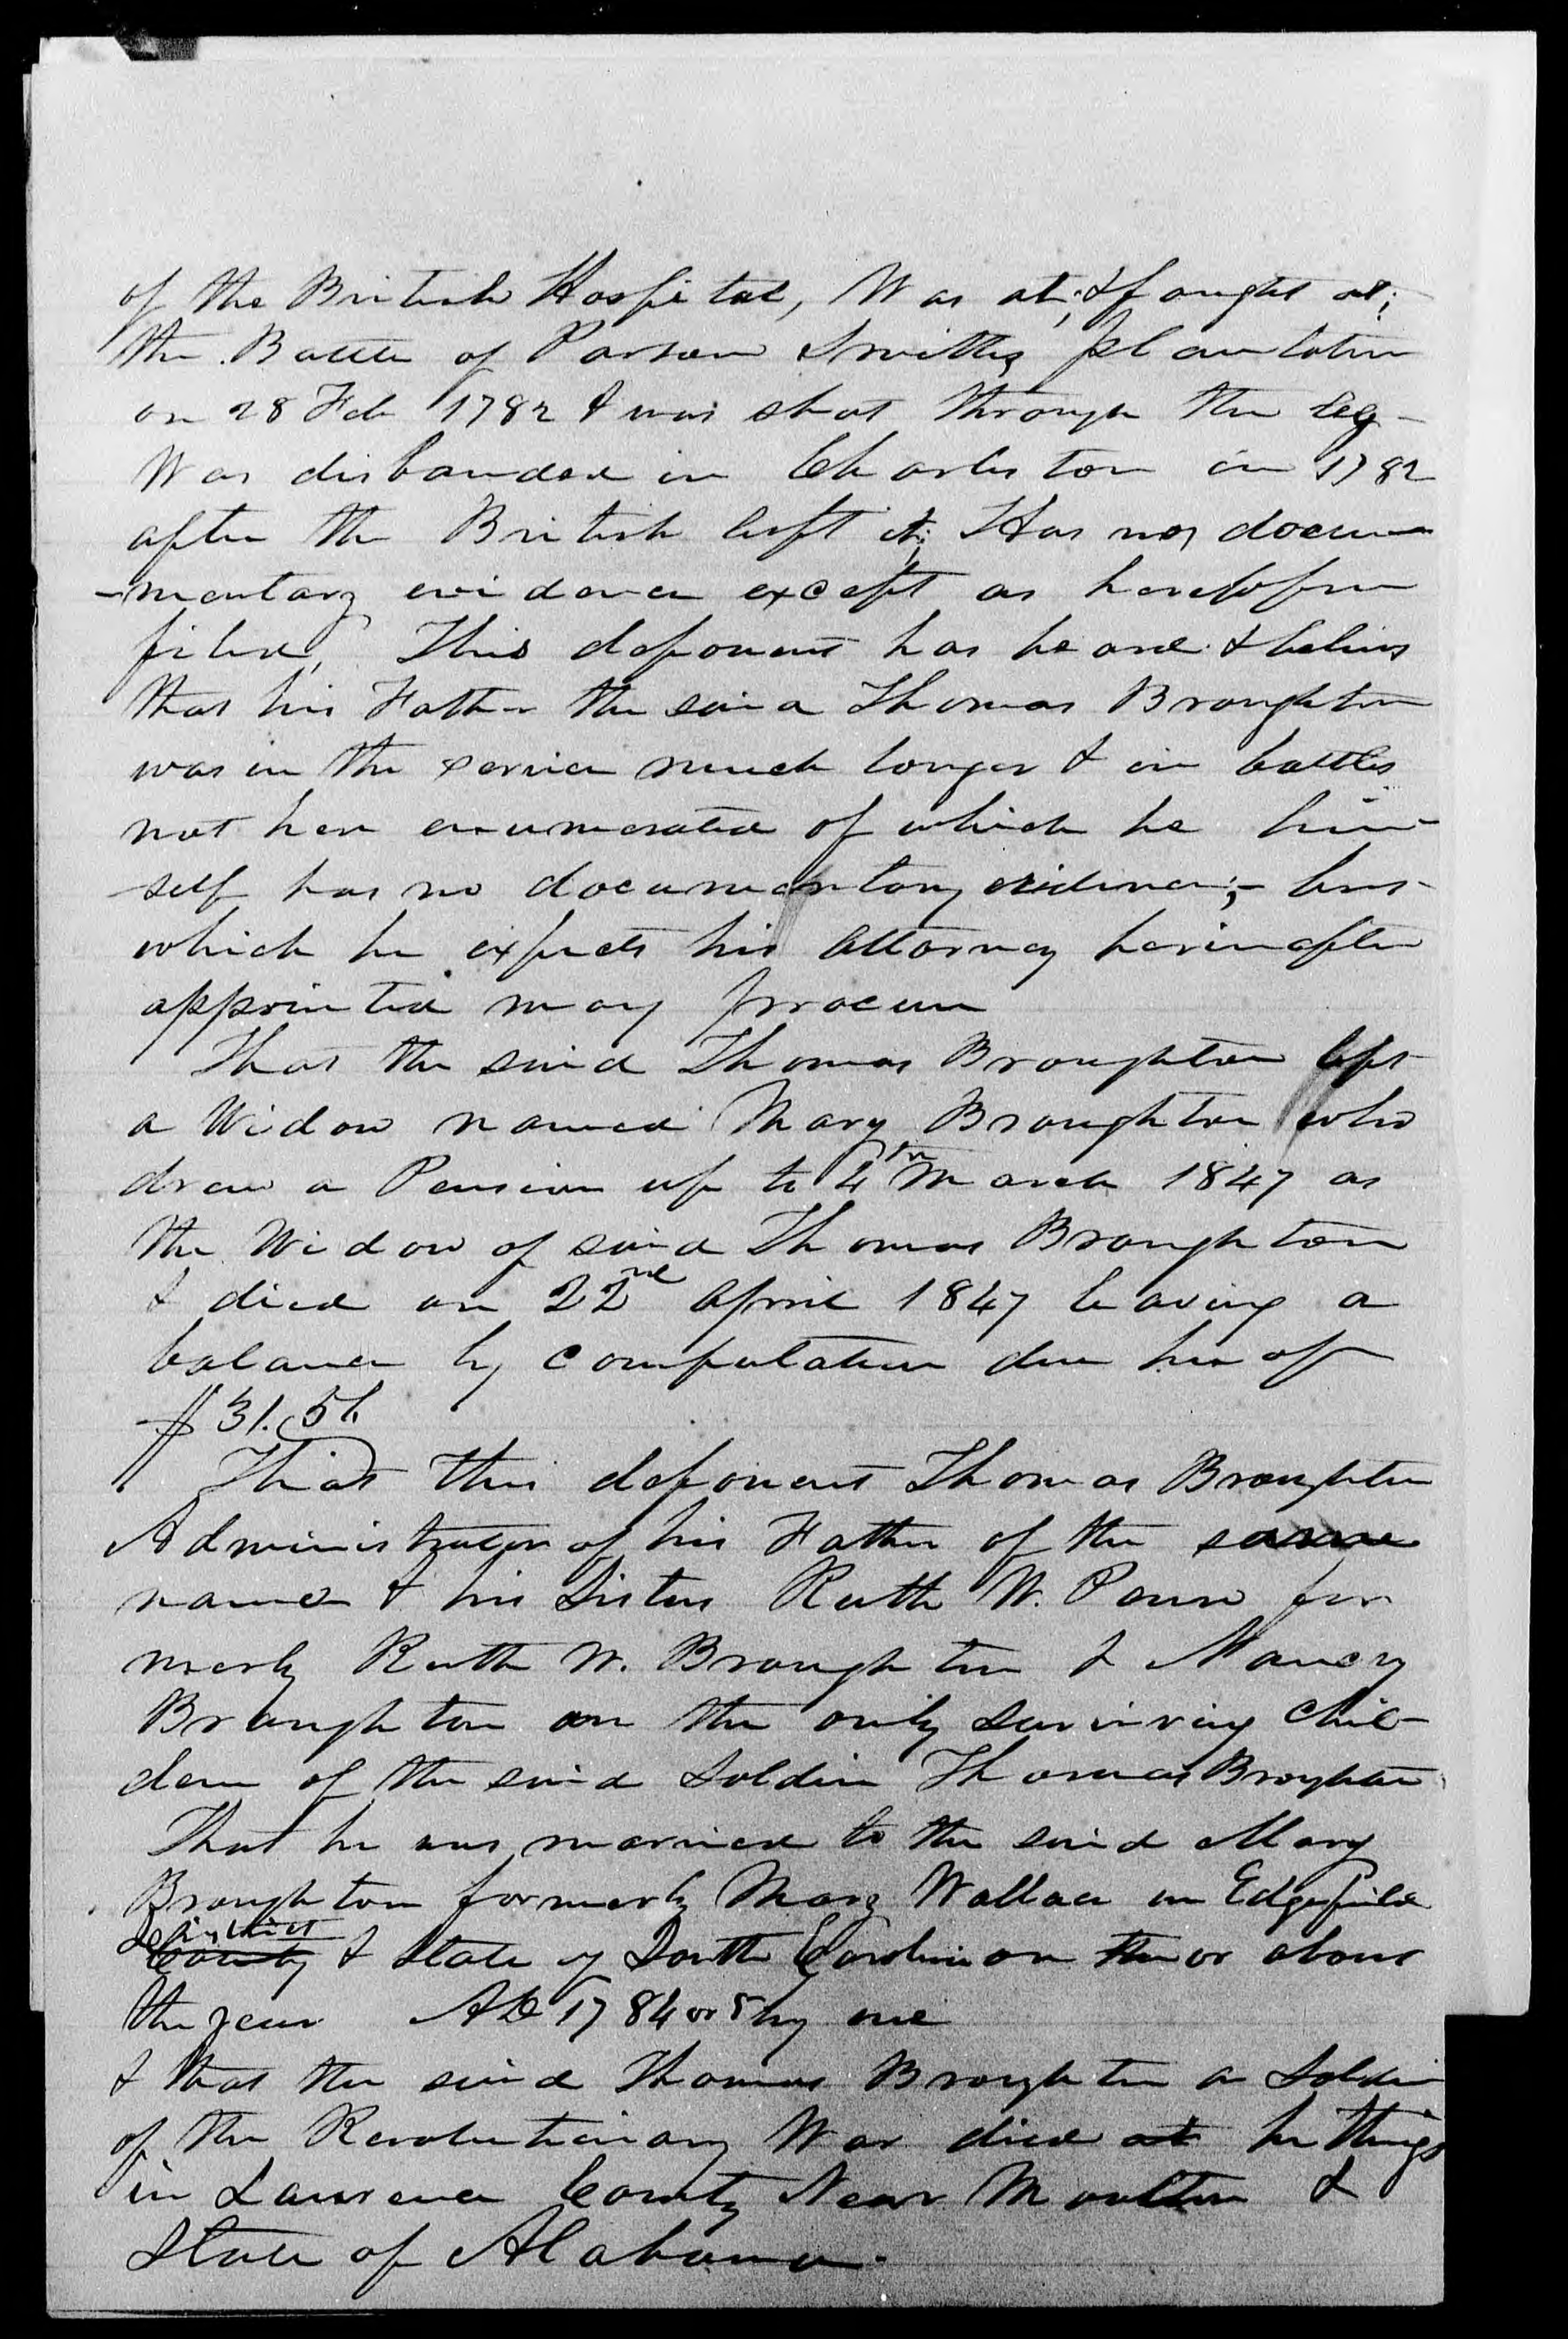of the British Hospital, was at & fought at the Battle of Parson Smith's Plantation on 28 Feb 1782 & was shot through the leg - was disbanded in Charleston in 1782 after the British left it; Has no documentary evidence except as heretofore filed. This deponant has heard & believes that his Father the said Thomas Broughton was in the service much longer & in battles not here enumerated of which he himself has no documentary evidence; but which he expects his attorney hereinafter appointed may procure
That the said Thomas Broughton left a widow named Mary Broughton who drew a pension up to 4th March 1847 as the widow of said Thomas Broughton & died on 22nd April 1847 leaving a balance by computation due her of $31.51.
That this deponant Thomas Broughton Administrator of his Father of the same name & his sister Ruth W. Penn formerly Ruth W. Broughton & Nancy Broughton are the only surviving children of the said soldier Thomas Broughton.
That he was married to the said Mary Broughton formerly Mary Wallace in Edgefield District & state of South Carolina on or about the year AD 1784 or 5 by me & that the said Thomas Broughton a soldier of the Revolutionary War died he thinks in Lawrence County near Moulton & state of Alabama.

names: Mary Wallace, Mary Broughton, Ruth W Broughton, Parker Smith, Thomas Broughton, Mary Broughton, Thomas Broughton, Thomas Broughton, Thomas Broughton, Thomas Broughton, Thomas Broughton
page: 23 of 72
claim: widow's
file: W. 897, Thomas Broughton, S.C.